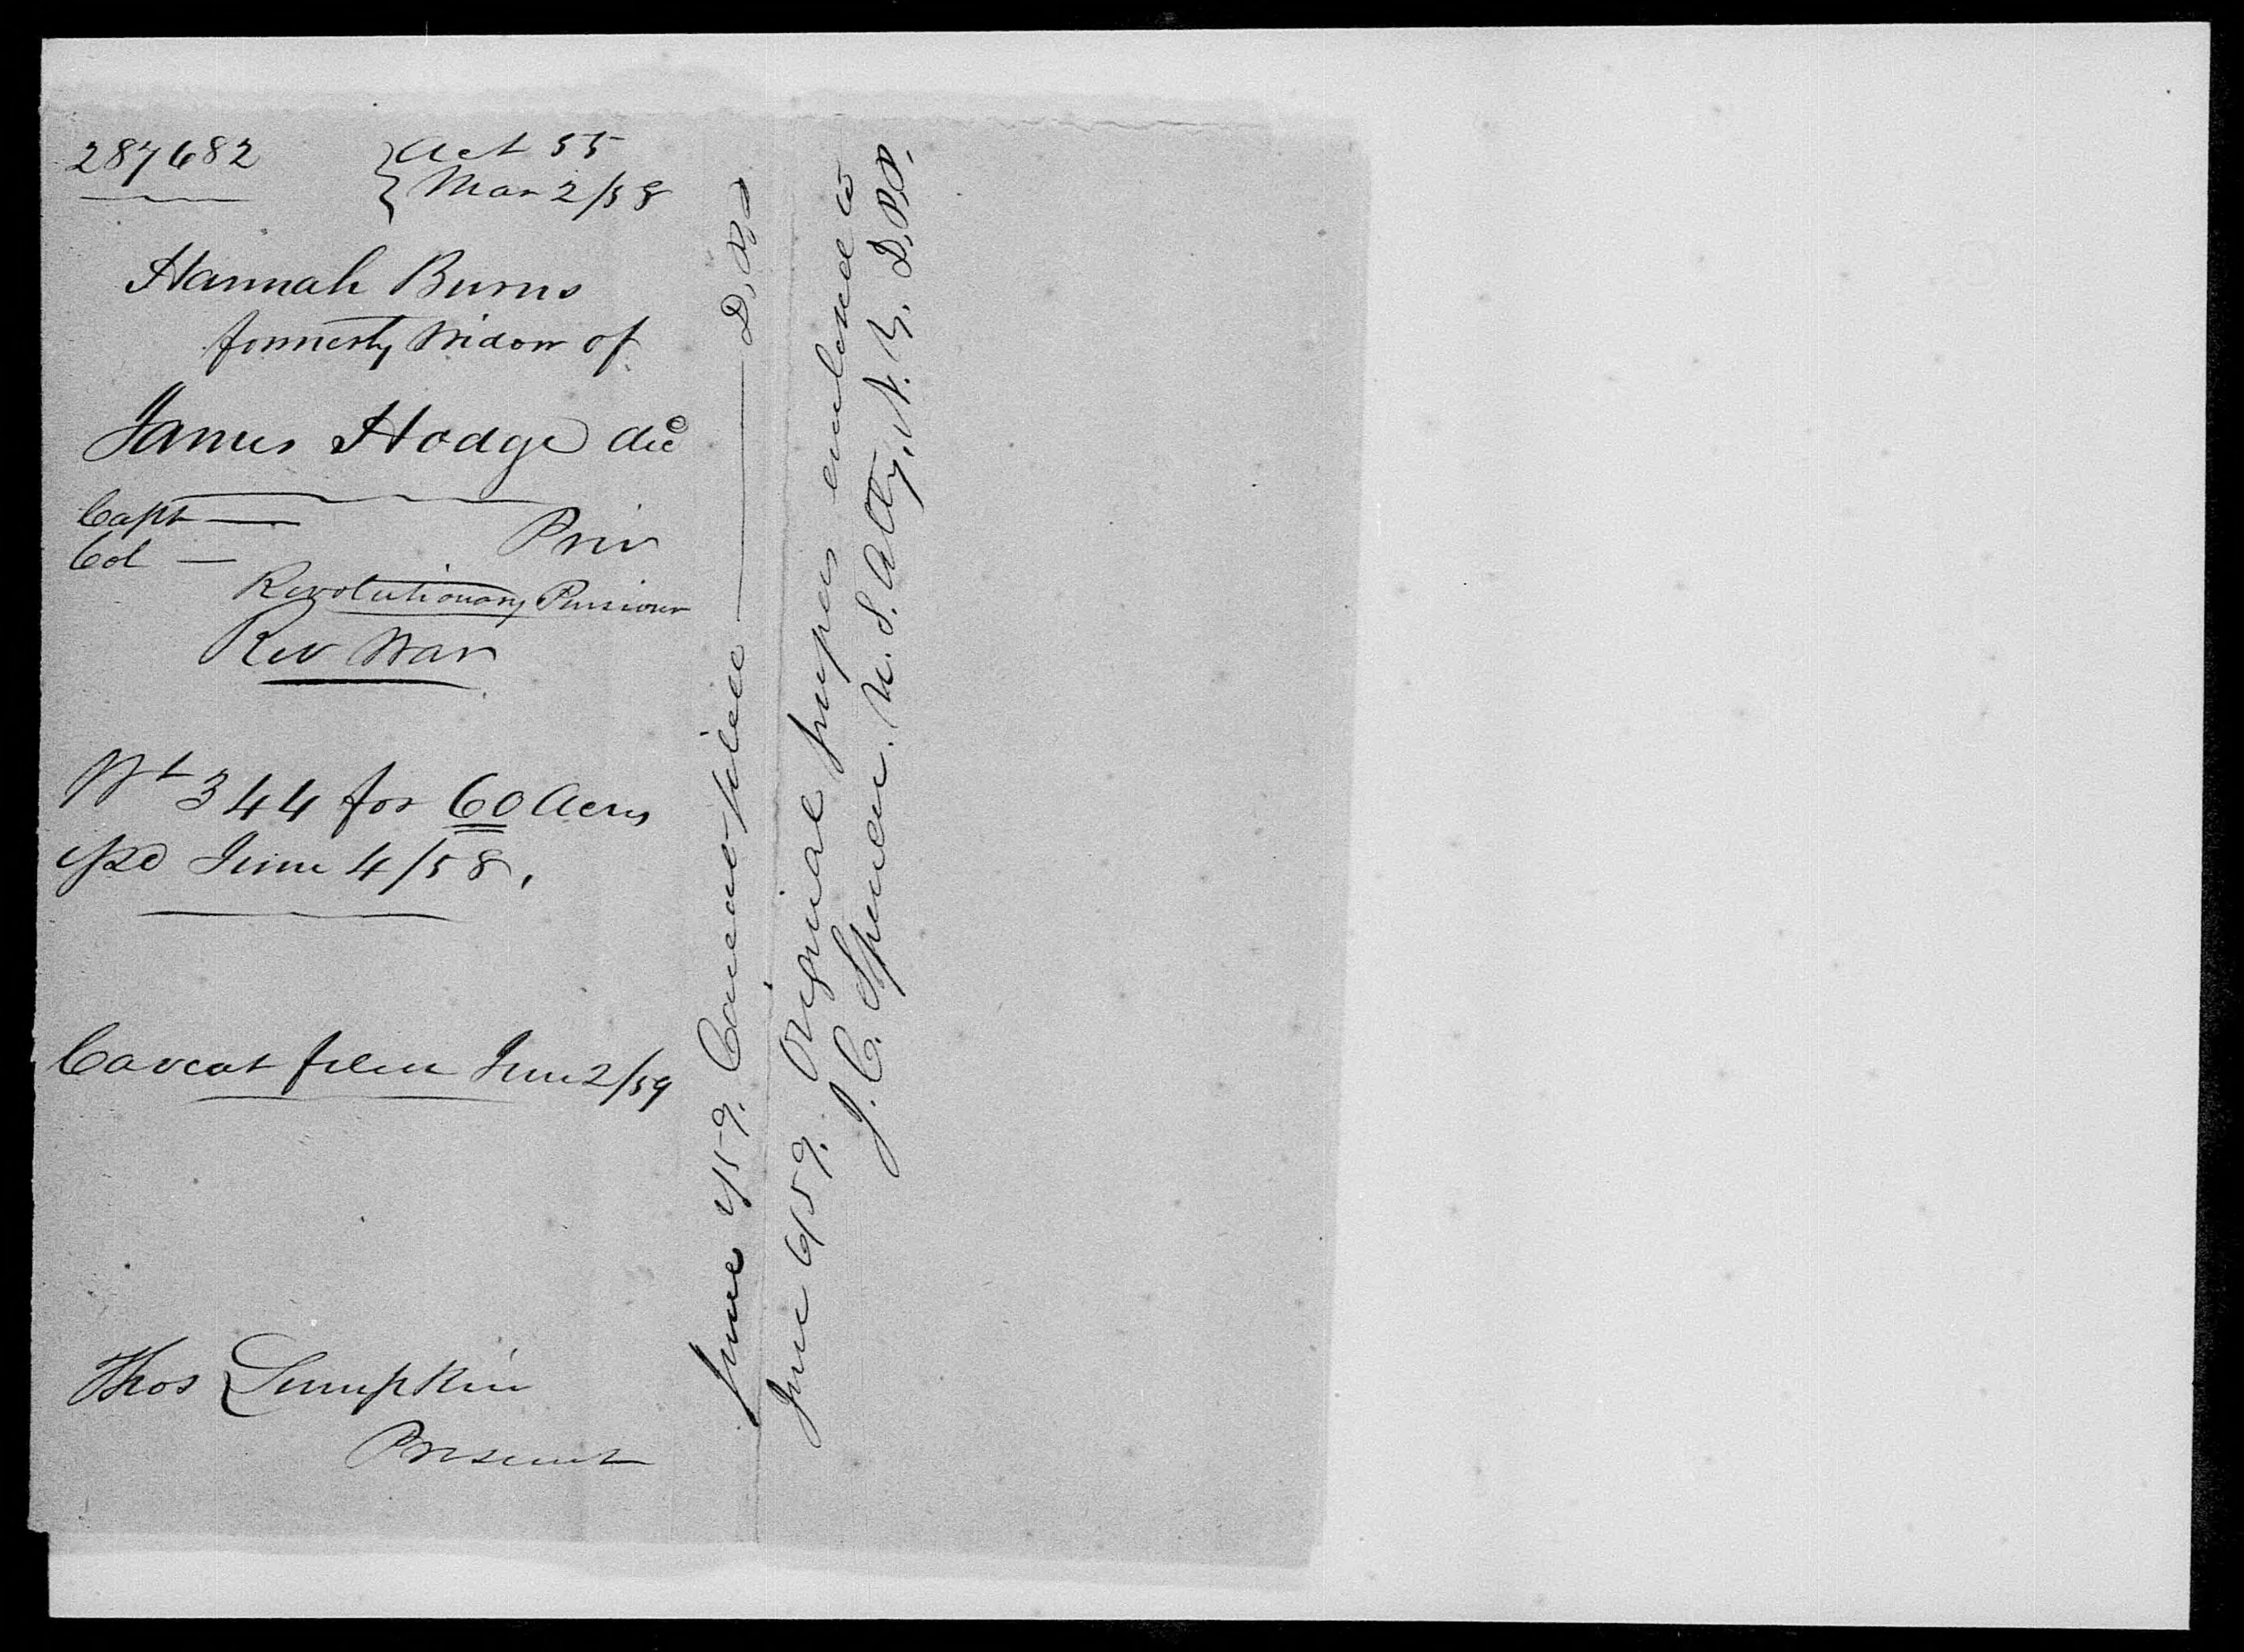287682   } Act 55
                Mar 2/58

Hannah Burns
formerly widow of 
James Hodge dic
_____________________
Capt________              Priv
Col _________
               Reveolutionary Prisoner
               Rev Man
               -----------
N1 344 for 60 Acres
po Jim 4/58.

Cavcat filiu June 2/59

Thos Lumpkin
      Pnscuis

(In rt margin:) June 459. Caceul-Jilece_______
June 6-/59.  Original Juniper evaluence to
J.C. Spencer. Sc. S. Atty. s.B. D.P.P.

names: Hannah Burns, Thos Lumpkin, James Hodge, J C Spencer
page: 11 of 48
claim: widow's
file: W. 10476, James Hodge, New York